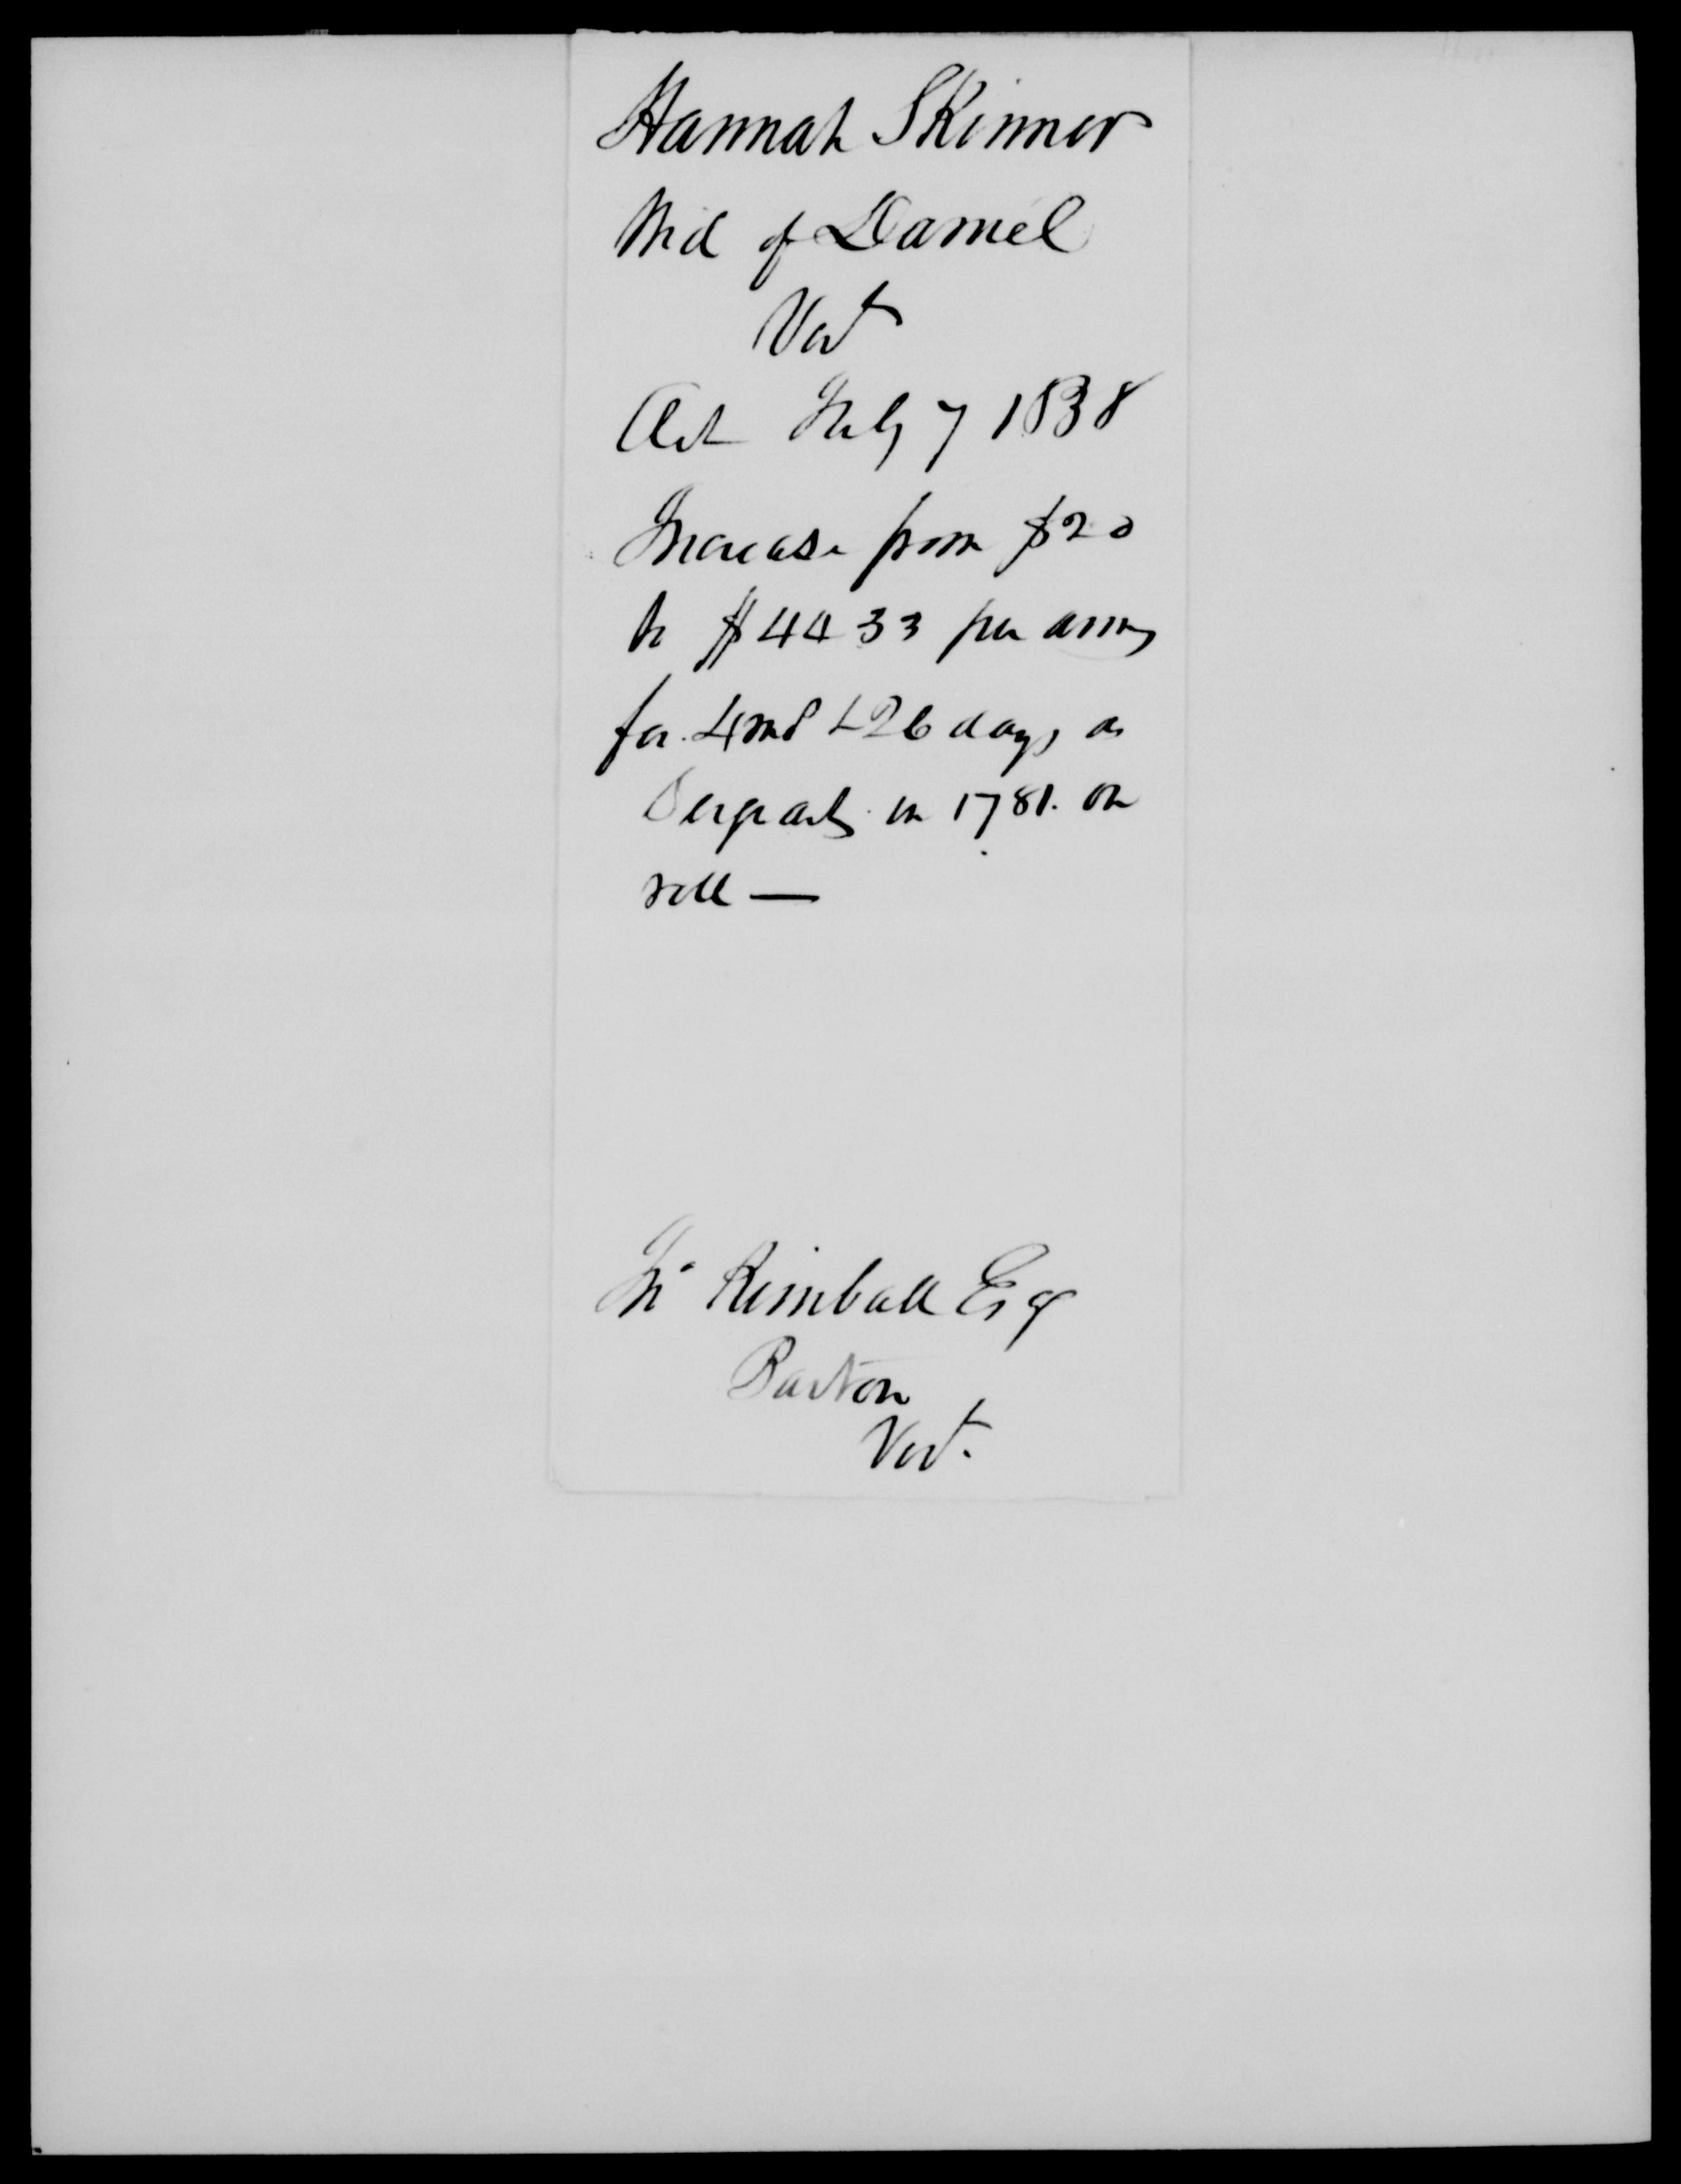Hannah Skinner
Wid of Daniel
Vt
Act July 7 1838
Increase from $20
to $44.33 per annum
for 4 mos & 26 days as
(illegible) in 1781. on
roll--

Jno Kimball Esqr.
Barton, Vt.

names: Daniel Skinner; Hannah Skinner; Jno Kimball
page: 25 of 46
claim: widow's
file: W. 24976, for Daniel Skinner, New Hampshire